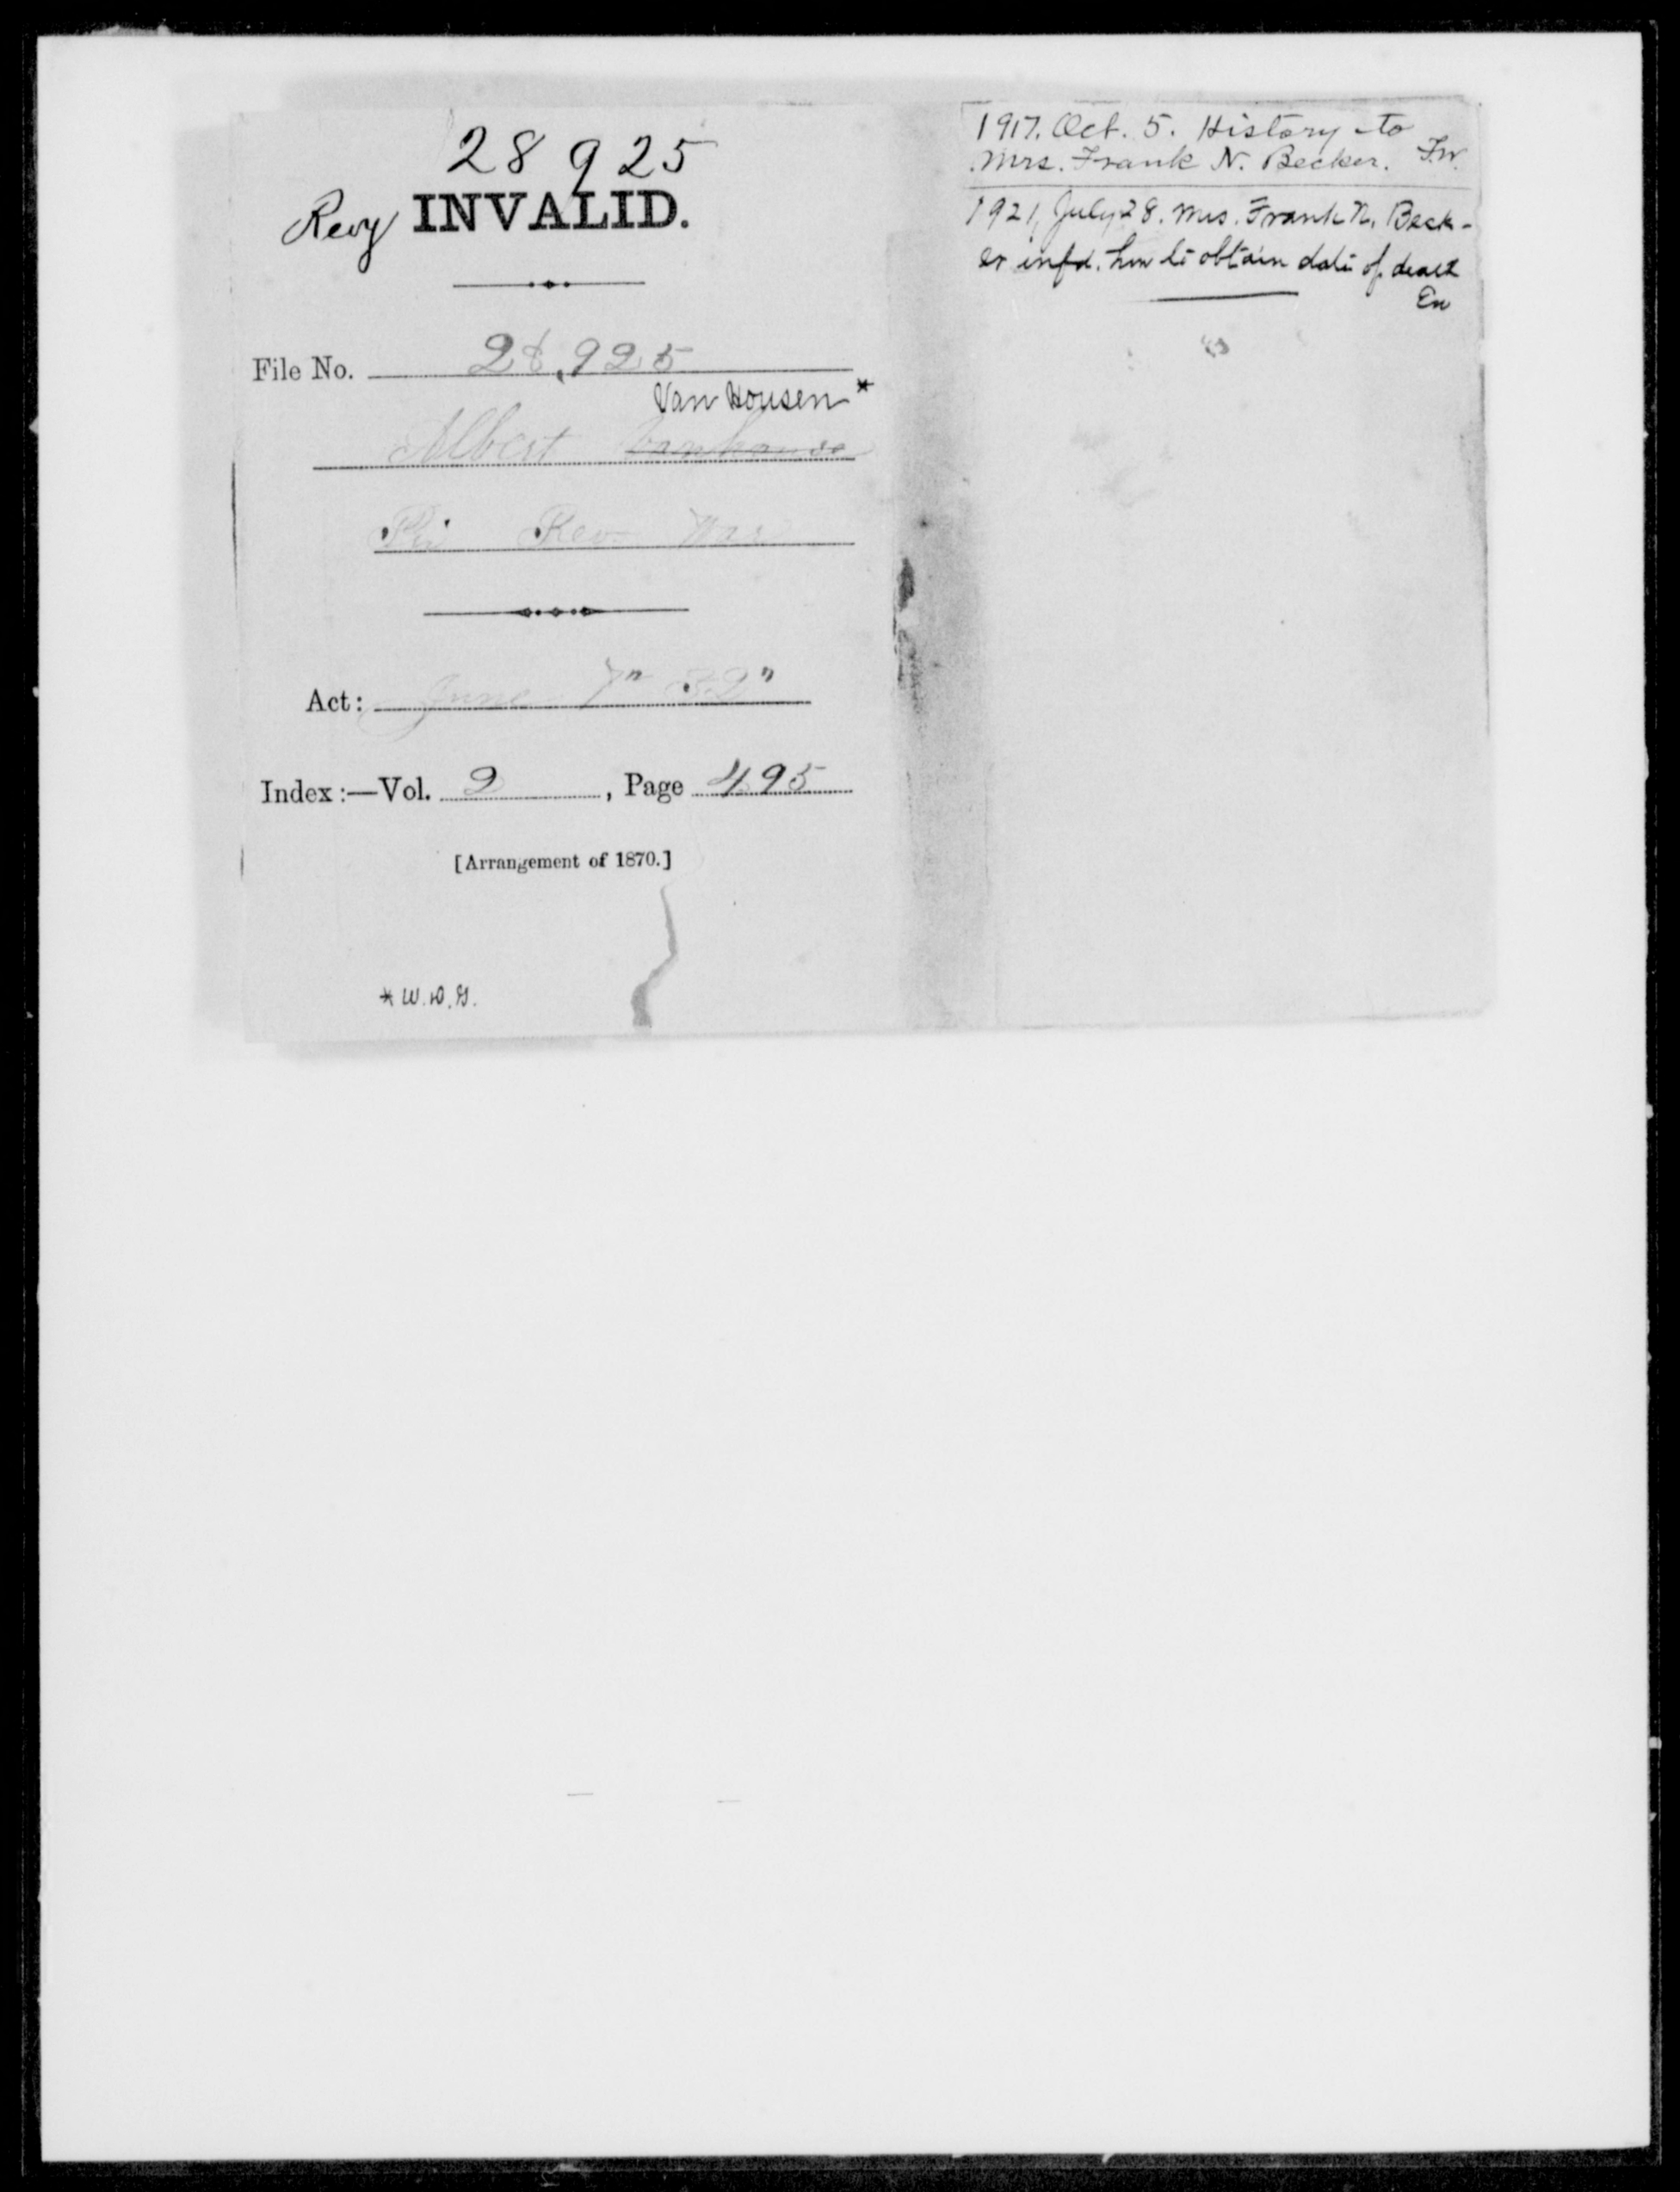28925 
Revy INVALID. 
File No. 28.925 
Albert Van Housen*
Pri Rev War
Act: June 7th 32”
Index: - Vol. 2, Page 495 
{Arrangement of 1870.}

* W.D.G. 

1917. Oct. 5. History to Mrs. Frank N. Becker, F.W. 
1921, July 28. Mrs. Frank N. Becker infd. her to obtain date of death
En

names: Frank N Becker, Albert Van Housen, Frank N Becker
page: 43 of 57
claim: survivor's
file: S. 28,925, Albert Van Housen, New York